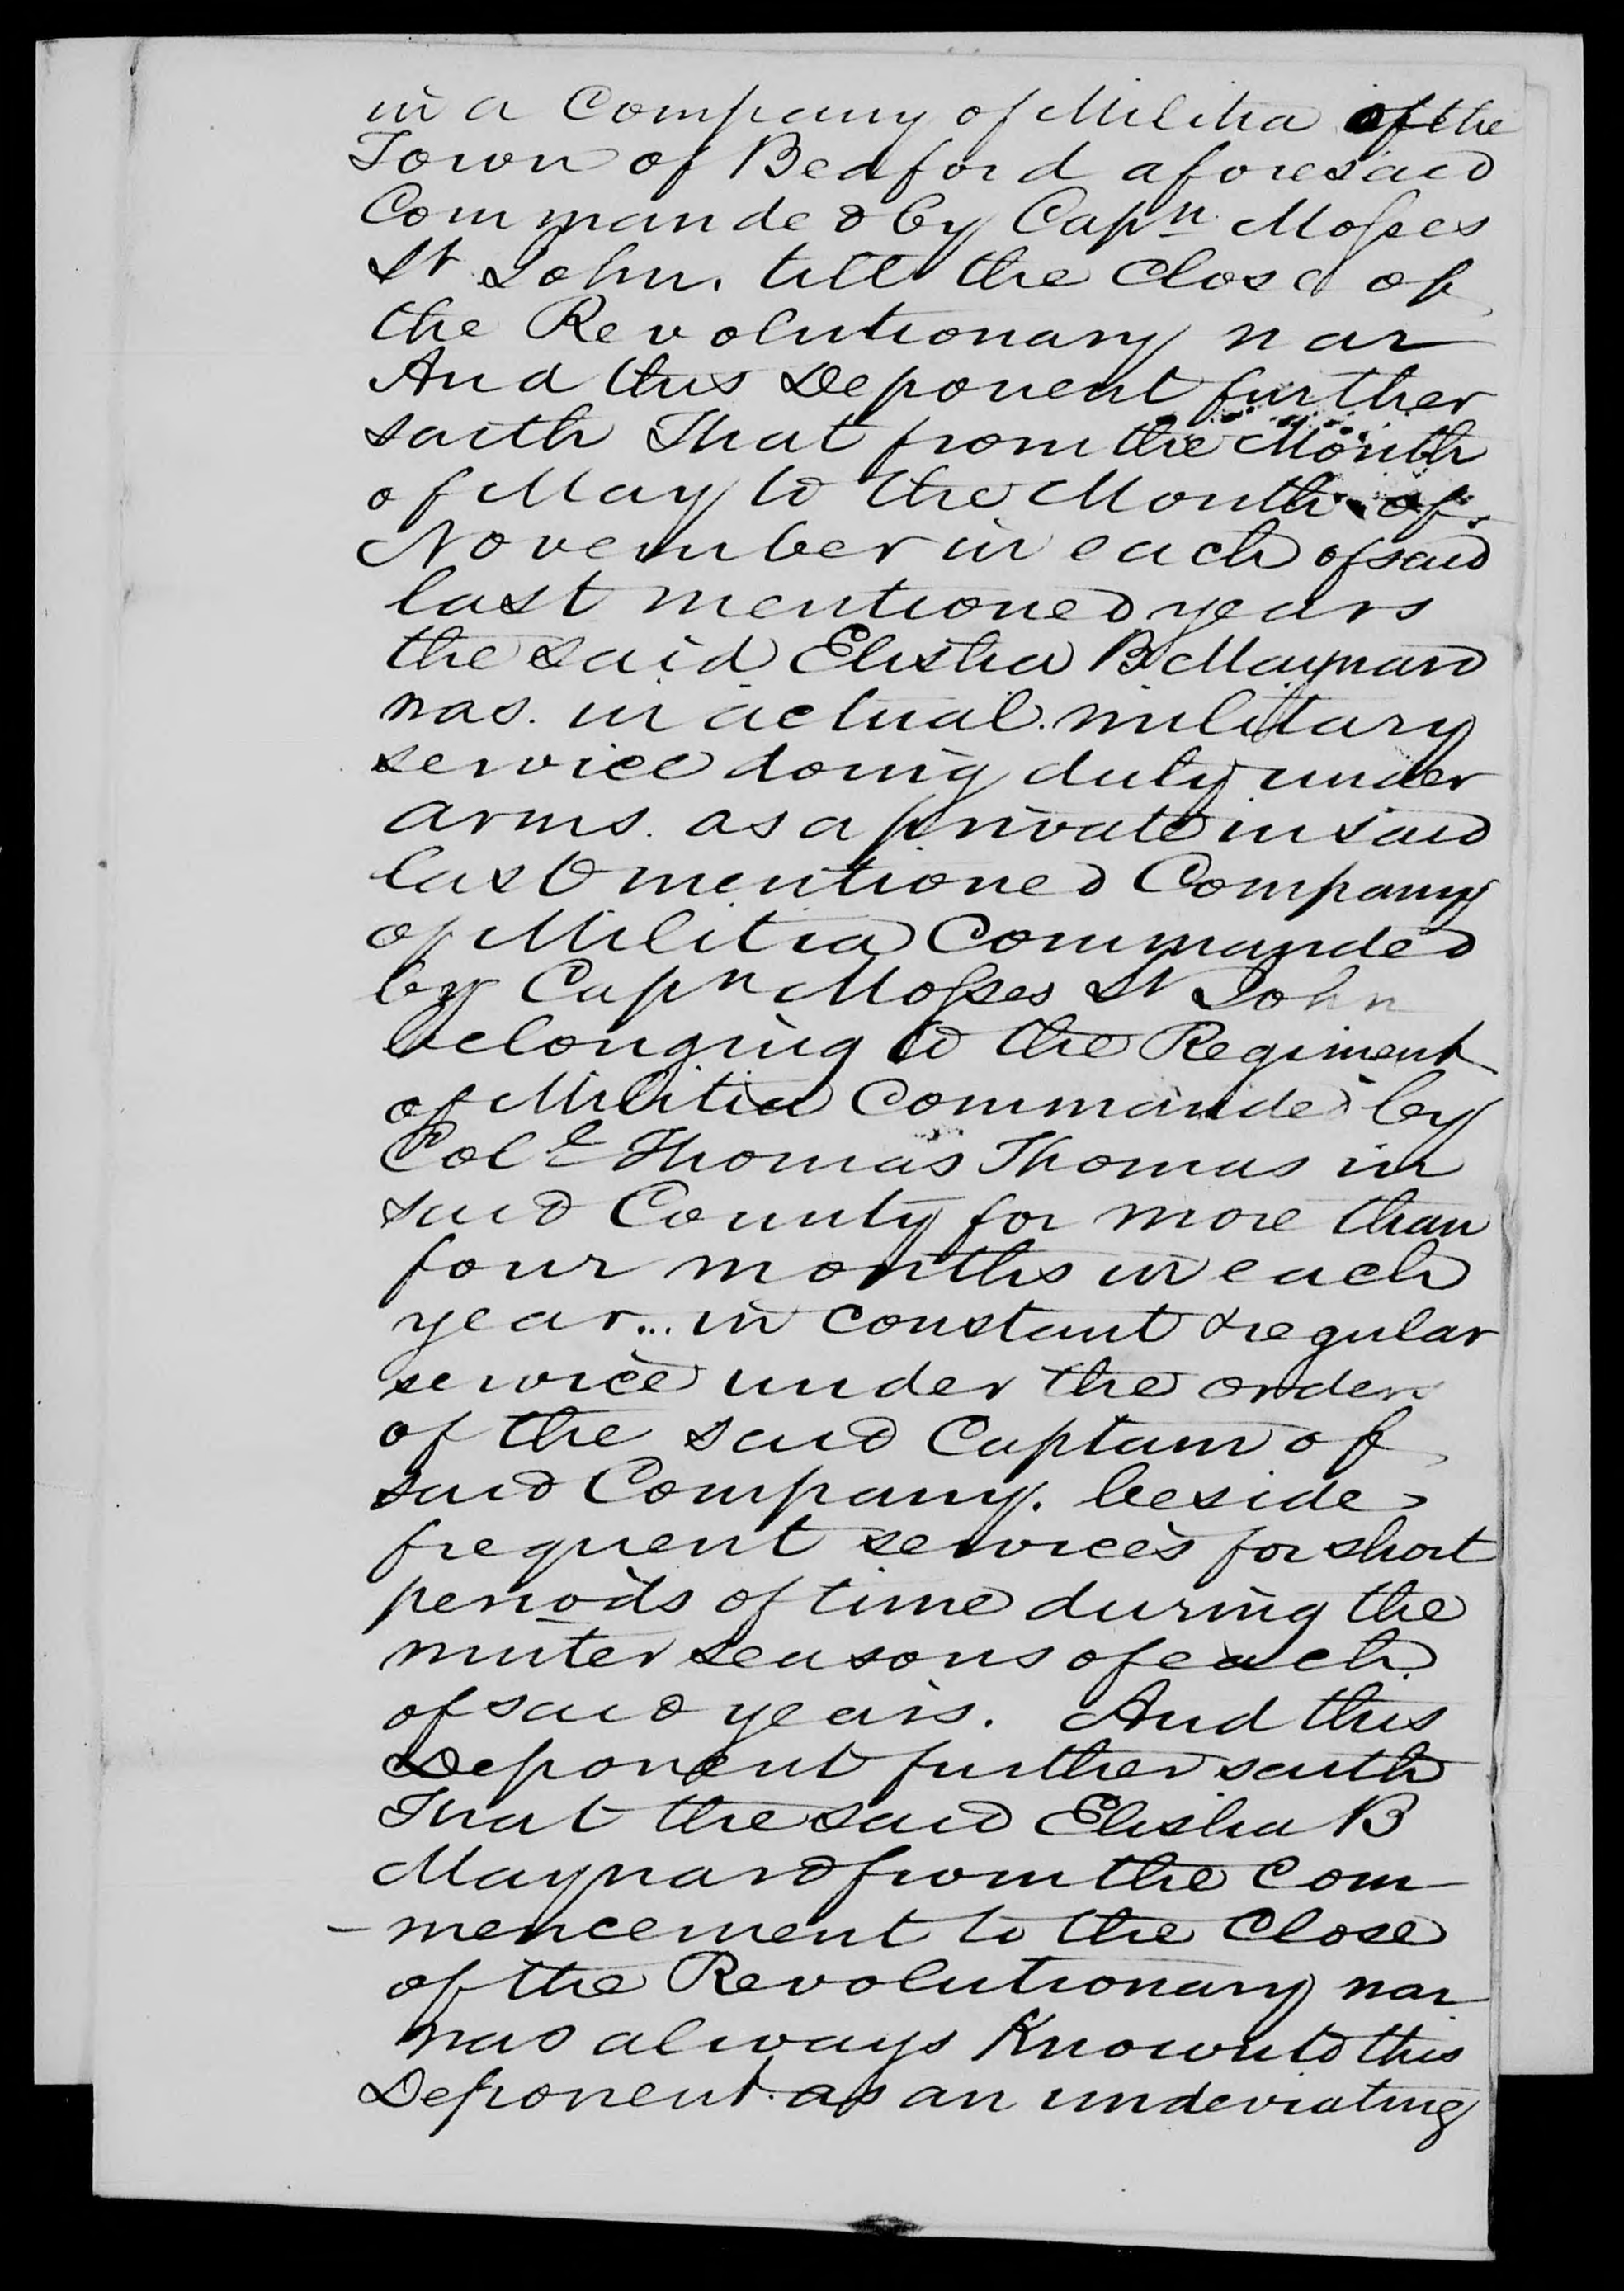in a Company of Militia of the Town of Bedford aforesaid commanded by Capt Mosses [sic] St John, till the close of the Revolutionary war And this Deponent further saith That from the Month of May to the Month of November in each of said last mentioned years the said Elisha B. Maynard was in actual military service doing duty under arms, as a private in said last mentioned Company of Militia commanded by Capt Mosses St John belonging to the Regiment of Militia commanded by Col Thomas Thomas in said County for more than four months in each year, in constant & regular service under the orders of the said Captain of said Company, beside frequent services for short periods of time during the winter seasons of each of said years. And this Deponent further saith That the said Elisha B Maynard from the commencement to the close of the Revolutionary war was always Known to this Deponent as an undeviating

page: 32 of 33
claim: rejected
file: R. 7,063, for Elisha B Maynard, New York